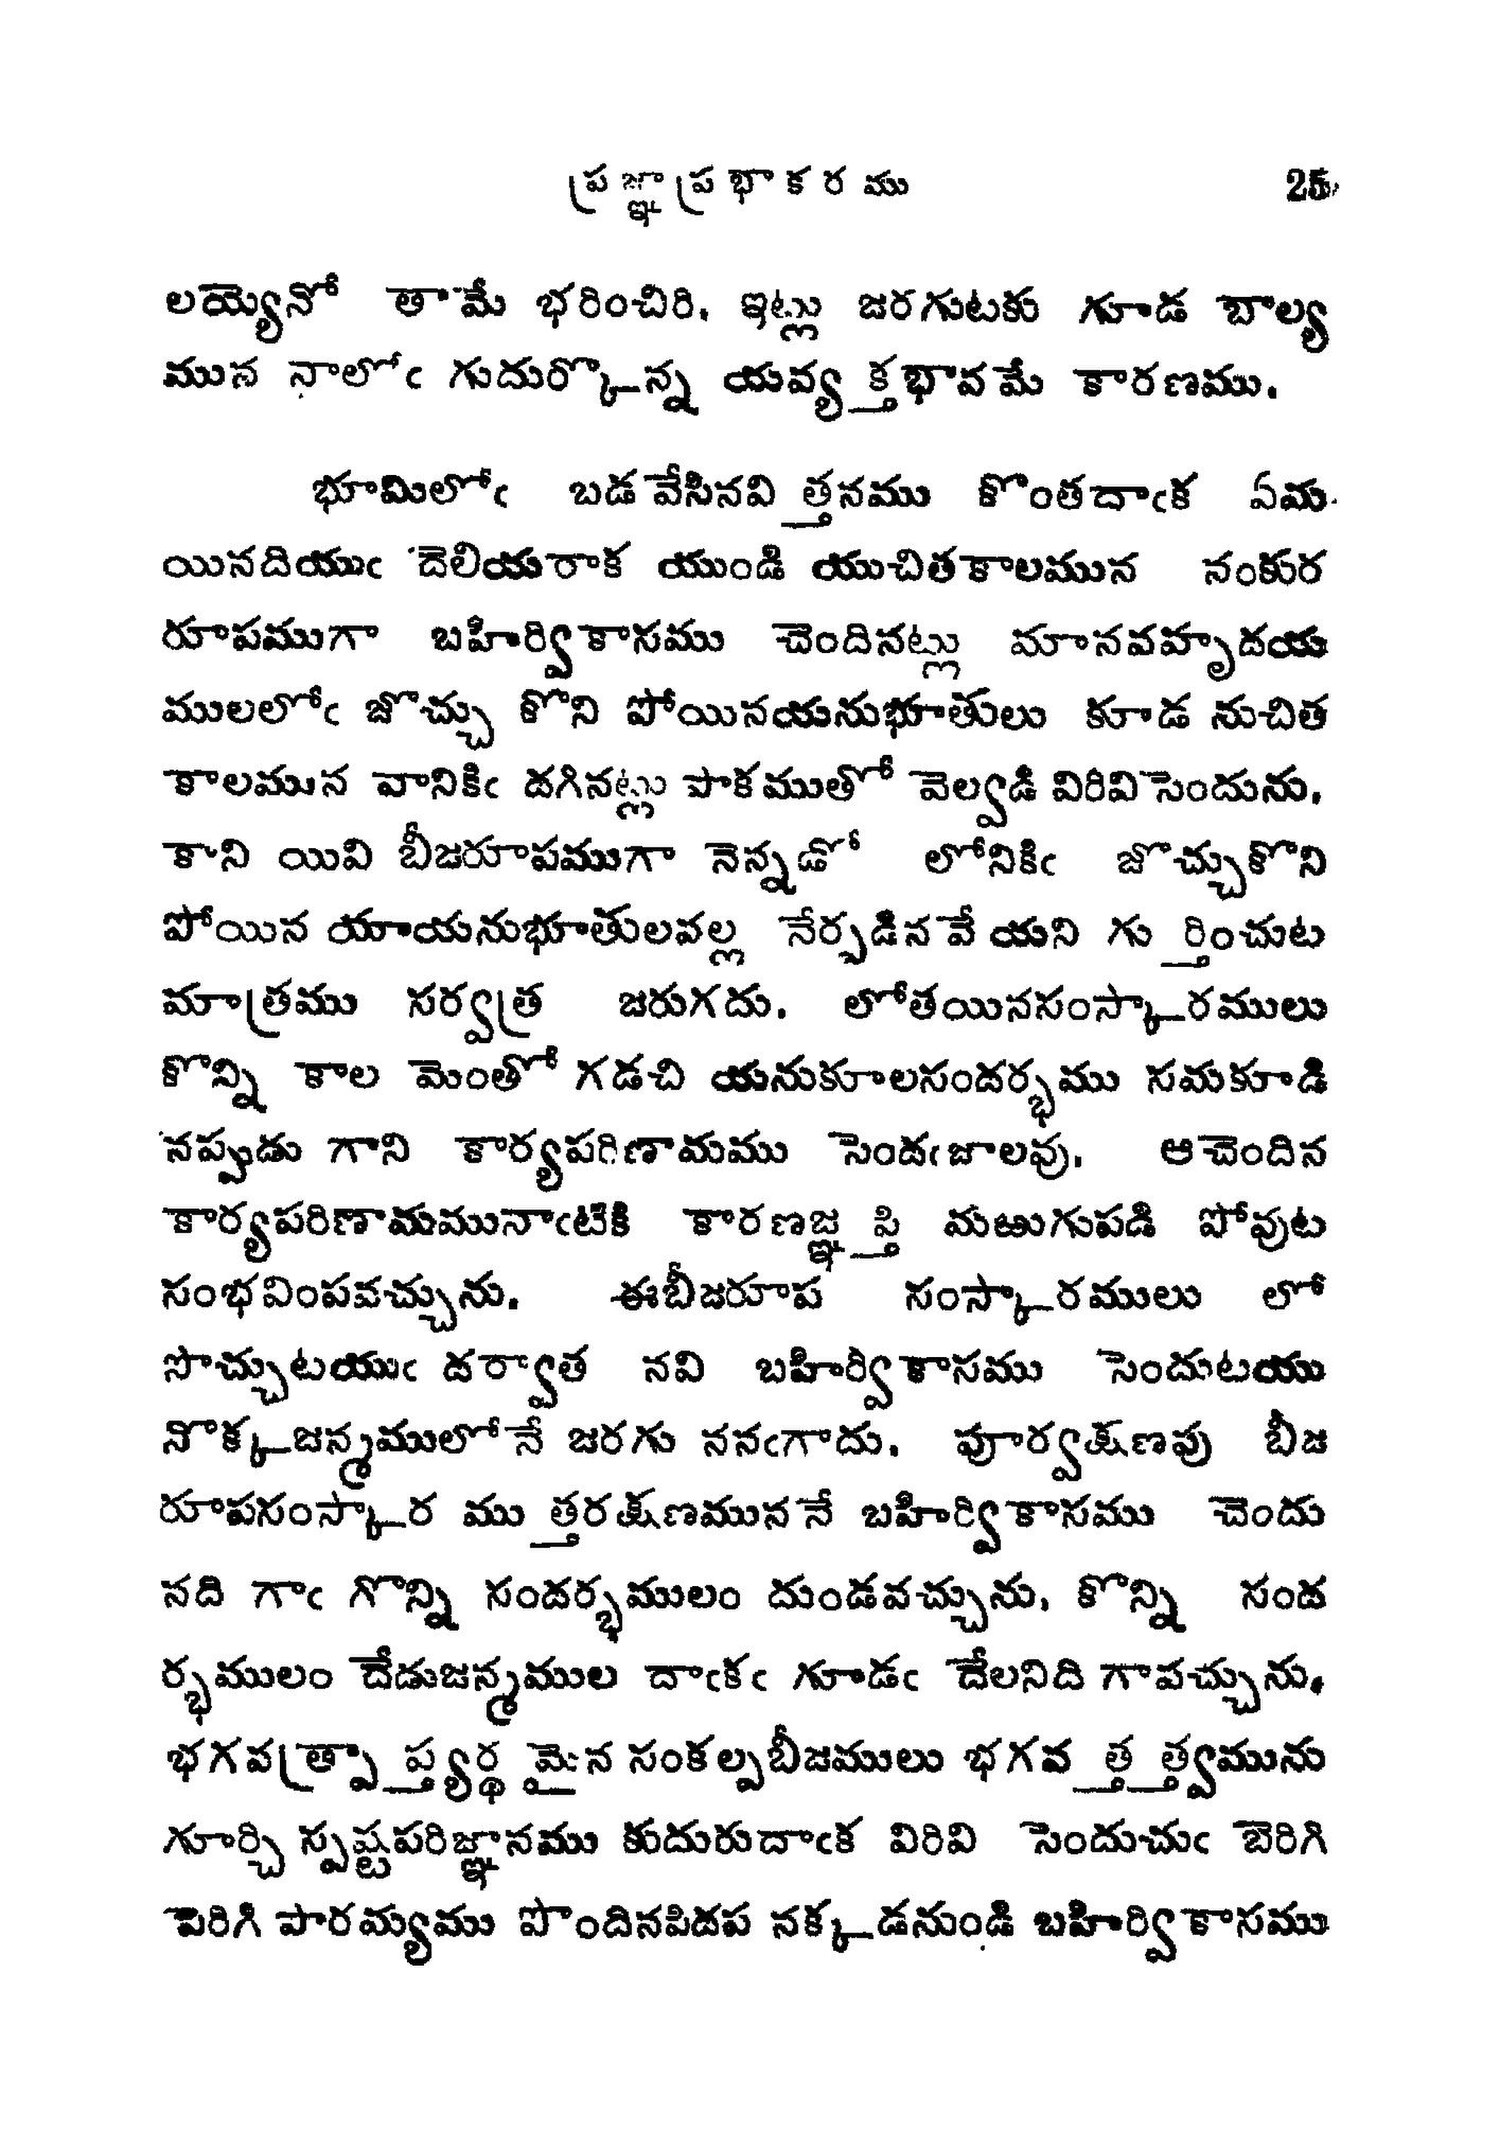లయ్యెనో తామే భరించిరి. ఇట్లు జరగుటకు గూడ బాల్యమున నాలోఁ గుదుర్కొన్న యవ్యక్తభావమే కారణము.
 
భూమిలోఁ బడవేసినవిత్తనము కొంతదాఁక ఏమయినదియుఁ దెలియరాక యుండి యుచితకాలమున నంకురరూపముగా బహిర్వికాసము చెందినట్లు మానవహృదయములలోఁ జొచ్చు కొని పోయినయనుభూతులు కూడ నుచితకాలమున వానికిఁ దగినట్లు పాకముతో వెల్వడి విరివిసెందును. కాని యివి బీజరూపముగా నెన్నడో లోనికిఁ జొచ్చుకొని పోయిన యాయనుభూతులవల్ల నేర్పడినవేయని గుర్తించుట మాత్రము సర్వత్ర జరుగదు. లోతయినసంస్కారములు కొన్ని కాల మెంతో గడచి యనుకూలసందర్భము సమకూడి నప్పుడు గాని కార్యపరిణామము సెందఁజాలవు. ఆ చెందిన కార్యపరిణామమునాఁటికి కారణజ్ఞప్తి మఱుగుపడి పోవుట సంభవింపవచ్చును. ఈ బీజరూప సంస్కారములు లోసొచ్చుటయుఁ దర్వాత నవి బహిర్వికాసము సెందుటయు నొక్క జన్మములోనే జరగు ననఁ గాదు. పూర్వక్షణపు బీజరూపసంస్కార ముత్తరక్షణముననే బహిర్వికాసము చెందునది గాఁ గొన్ని సందర్భములం దుండవచ్చును. కొన్ని సందర్భములం దేడుజన్మముల దాఁకఁ గూడఁ దేలనిది గావచ్చును. భగవత్ర్పాప్త్యర్దమైన సంకల్పబీజములు భగవత్తత్త్వమును గూర్చి స్పష్టపరిజ్ఞానము కుదురుదాఁక విరివి సెందుచుఁ బెరిగి పెరిగి పరమ్యము పొందినపిదప నక్కడనుండి బహిర్వికాసము